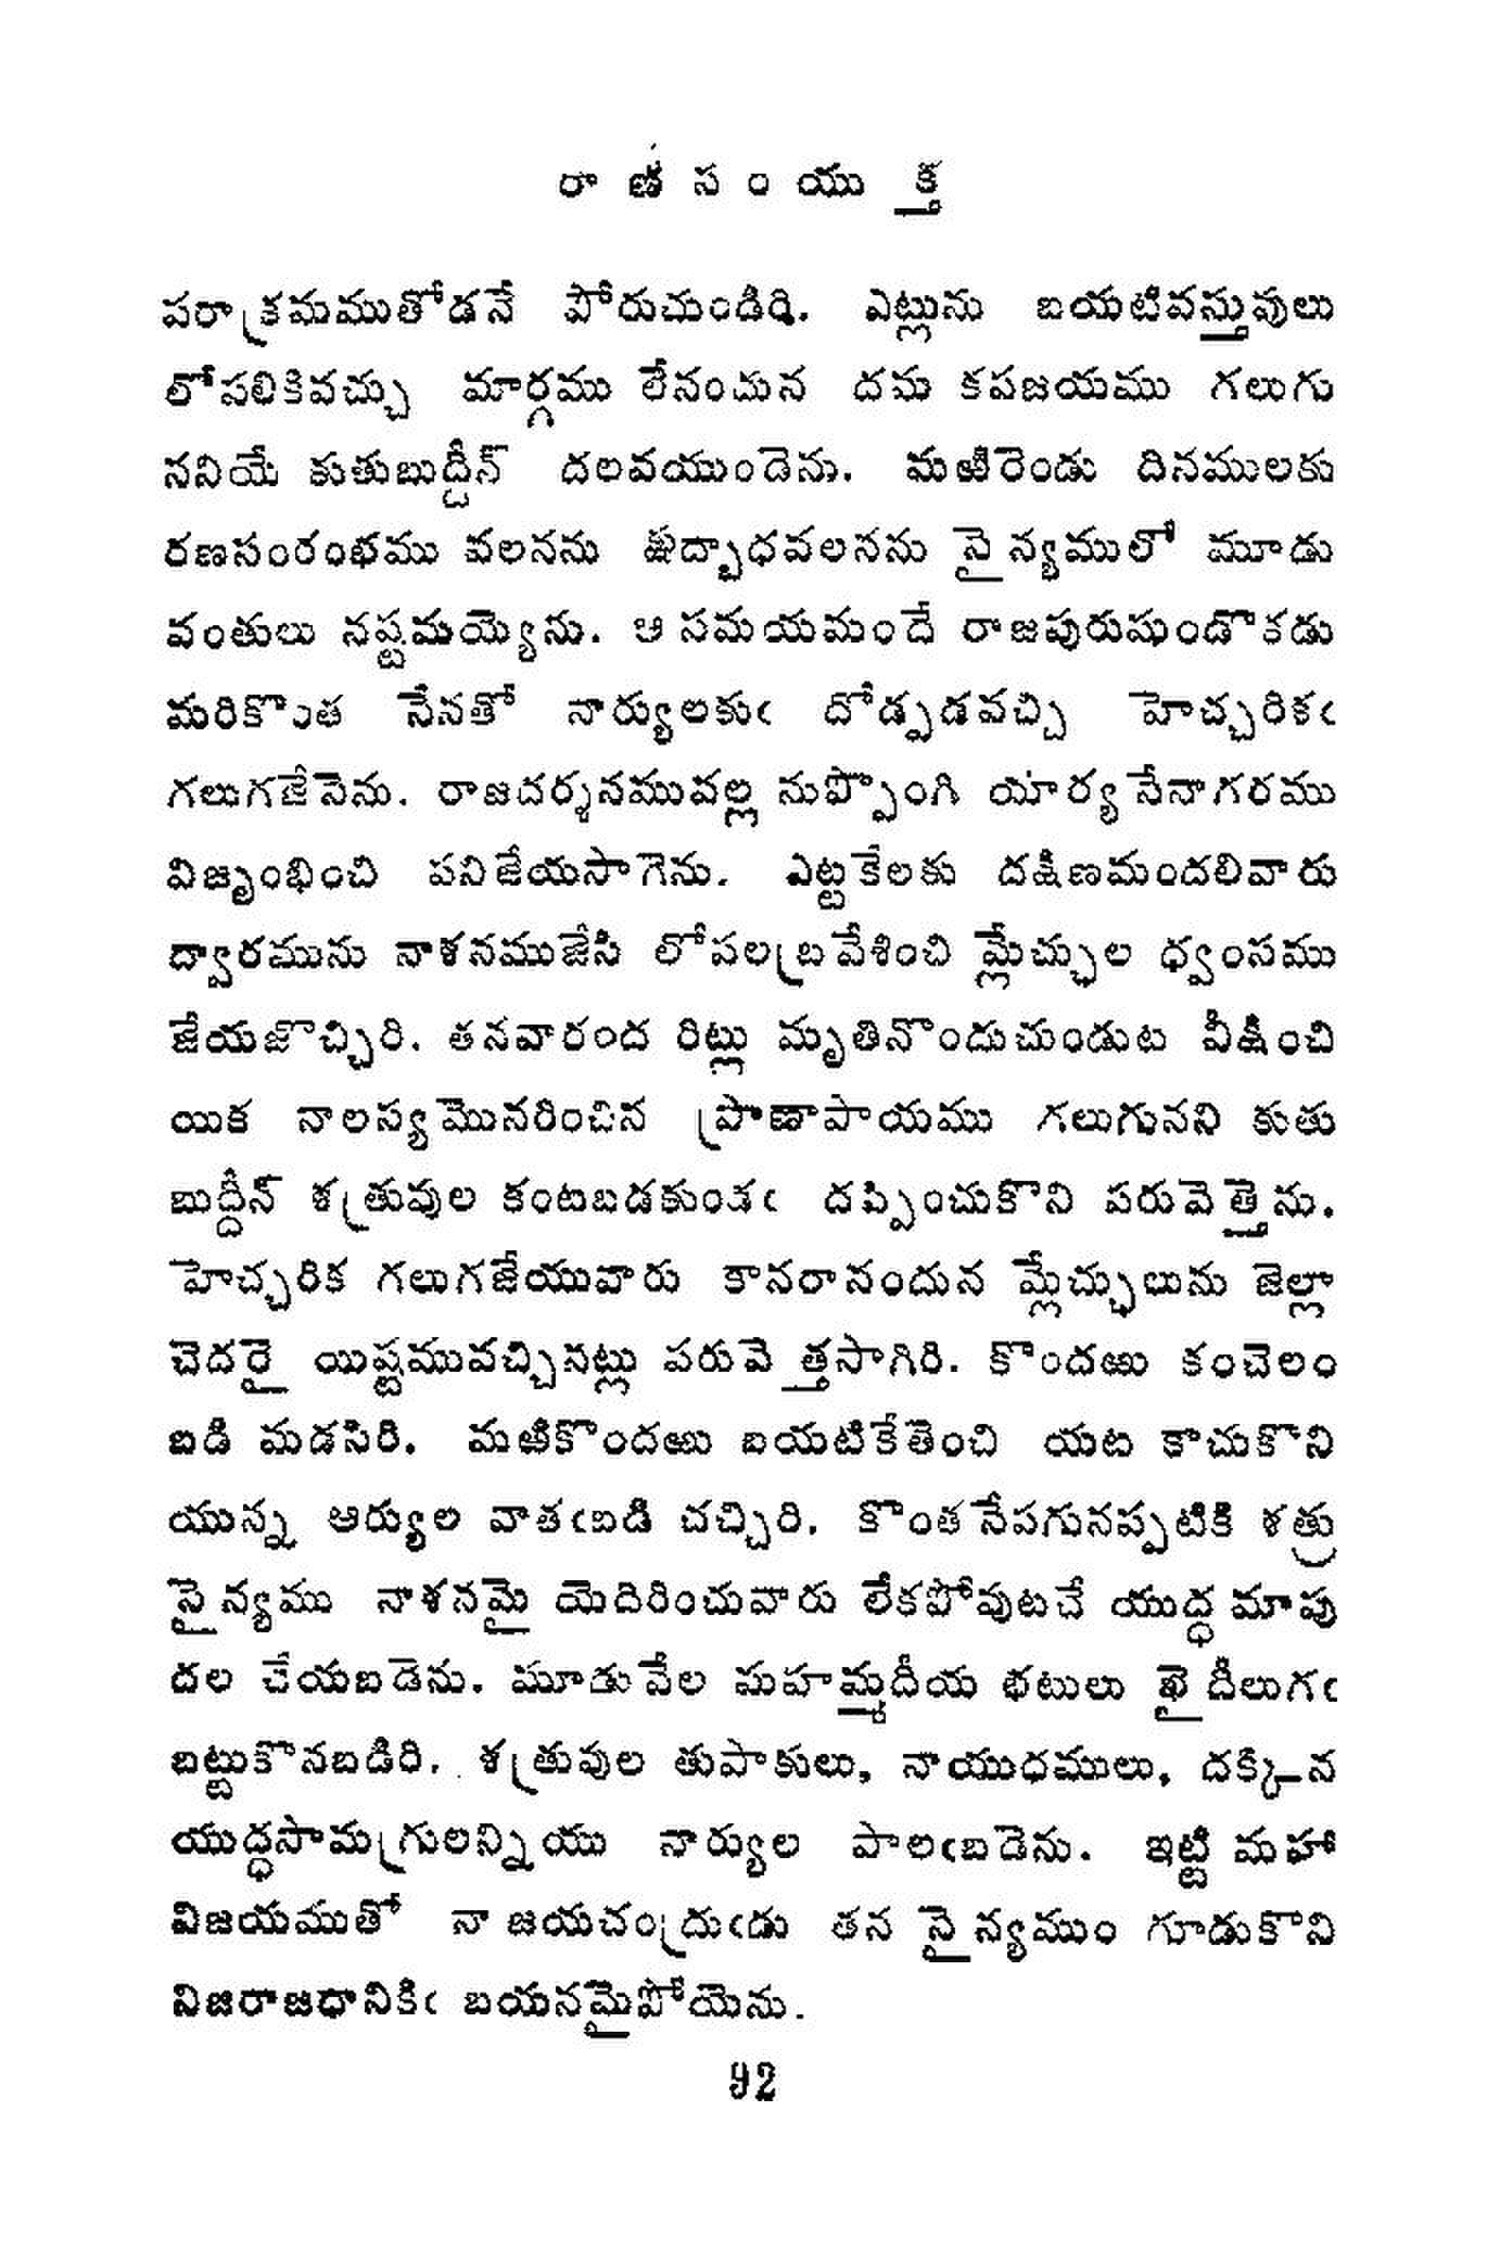పరాక్రమముతోడనే పోరుచుండిరి. ఎట్లును బయటివస్తువులు లోపలికివచ్చు మార్గము లేనందున దమ కపజయము గలుగుననియే కుతుబుద్దీన్ దలవయుండెను. మఱిరెండు దినములకు రణసంరంభము వలనను క్షుద్బాధవలనను సైన్యములో మూడు వంతులు నష్టమయ్యెను. ఆ సమయమందే రాజపురుషుండొకడు మరికొంత సేనతో నార్యులకుఁ దోడ్పడవచ్చి హెచ్చరికఁ గలుగజేసెను. రాజదర్శనమువల్ల నుప్పొంగి యార్యసేనాగరము విజృంభించి పనిజేయసాగెను. ఎట్టకేలకు దక్షిణమందలివారు ద్వారమును నాశనముజేసి లోపలబ్రవేశించి మ్లేచ్ఛుల ధ్వంసము జేయజొచ్చిరి. తనవారంద రిట్లు మృతినొందుచుండుట వీక్షించి యిక నాలస్యమొనరించిన ప్రాణాపాయము గలుగునని కుతుబుద్దీన్ శత్రువుల కంటబడకుండఁ దప్పించుకొని పరువెత్తెను. హెచ్చరిక గలుగజేయువారు కానరానందున మ్లేచ్చులును జెల్లాచెదరై యిష్టమువచ్చినట్లు పరువెత్తసాగిరి. కొందఱు కంచెలం బడి మడసిరి. మఱికొందఱు బయటికేతెంచి యట కాచుకొని యున్న ఆర్యుల వాతఁబడి చచ్చిరి. కొంత సేపగునప్పటికి శతుసైన్యము నాశనమై యెదిరించువారు లేకపోవుటచే యుద్దమాపుదల చేయబడెను. మూడువేల మహమ్మదీయ భటులు ఖైదీలుగఁ బట్టుకొనబడిరి. శత్రువుల తుపాకులు, నాయుధములు, దక్కిన యుద్ధసామగ్రులన్నియు నార్యుల పాలఁబడెను. ఇట్టి మహా విజయముతో నా జయచంద్రుఁడు తన సైన్యముం గూడుకొని నిజరాజధానికిఁ బయనమైపోయెను.